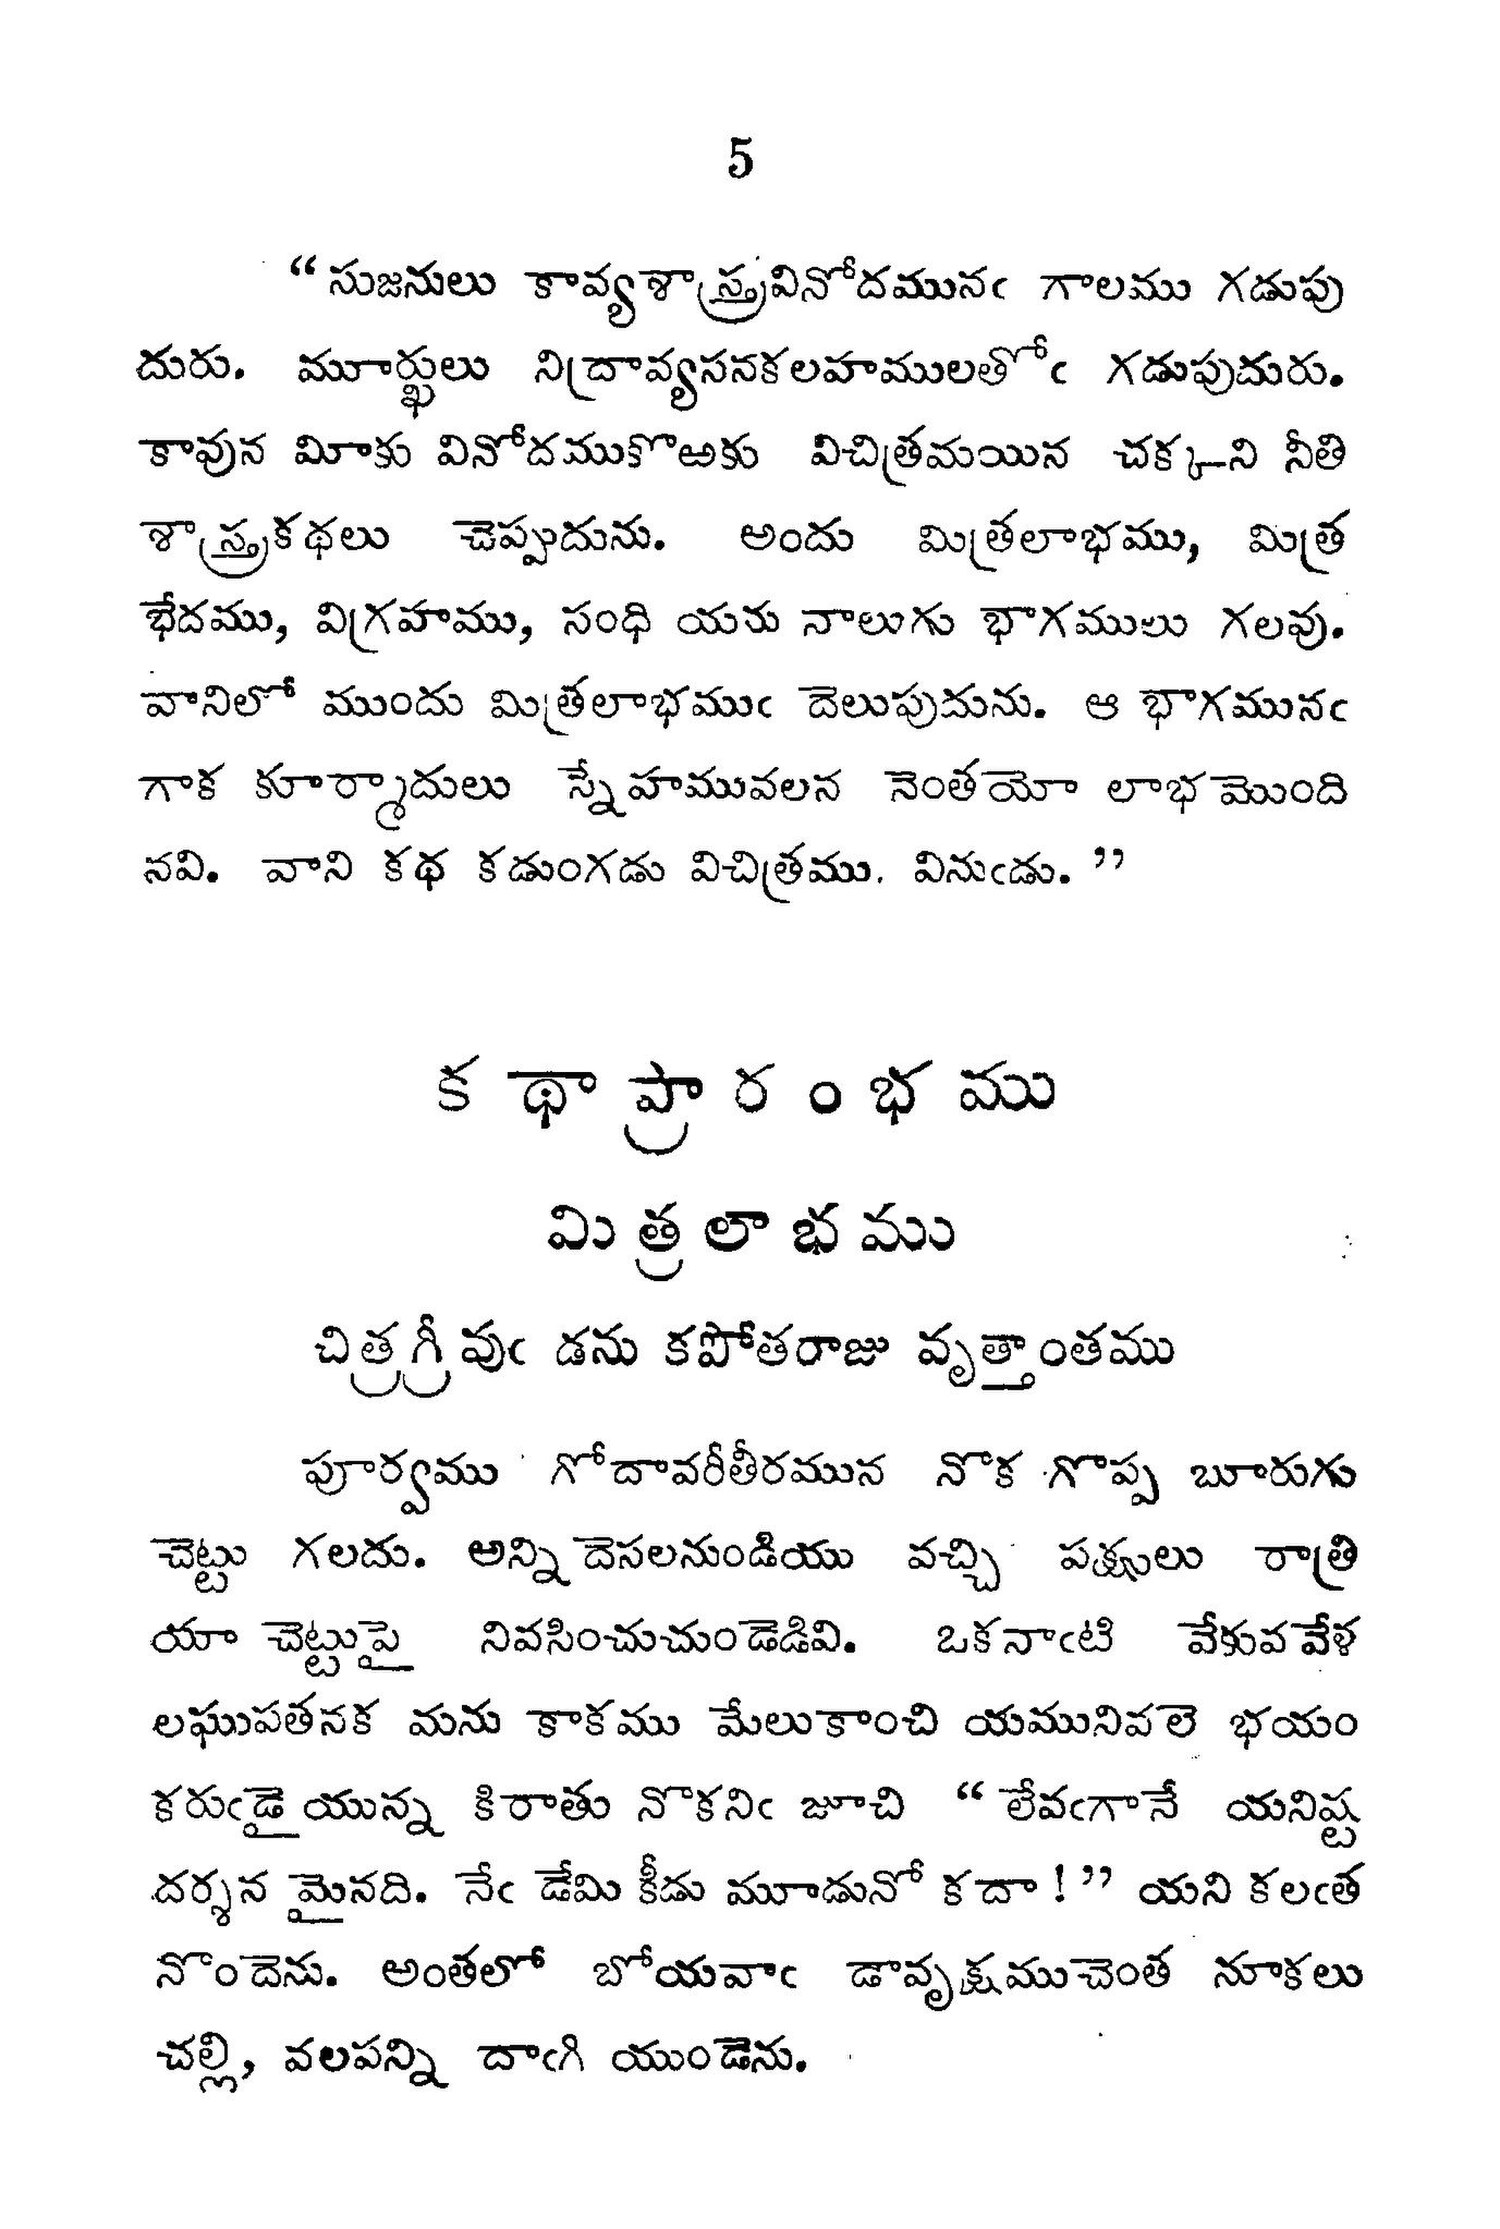"సుజనులు కావ్యశాస్త్రవినోదమున గాలము గడుపుదురు. మూర్ఖులు నిద్రావ్యసనకలహములతో గడుపుదురు. కావున మీకు వినోదముకొఱకు విచిత్రమయిన చక్కని నీతి శాస్త్రకథలు చెప్పుదును. అందు మిత్రలాభము, మిత్రభేదము, విగ్రహము, సంధి యను నాలుగు భాగములు గలవు. వానిలో ముందు మిత్రలాభము దెలుపుదును. ఆ భాగమున గాక కూర్మాదులు స్నేహమువలన నెంతయో లాభమొందినవి. వాని కథ కడుంగడు విచిత్రము. వినుడు."

పూర్వము గోదావరీతీరమున నొక గొప్ప బూరుగు చెట్టు గలదు. అన్ని దెసలనుండియు వచ్చి పక్షులు రాత్రి యా చెట్టుపై నివసించుచుండెడివి. ఒకనాటి వేకువవేళ లఘుపతనక మను కాకము మేలుకాంచి యమునివలె భయం కరుడై యున్న కిరాతు నొకని జూచి "లేవగానే యనిష్ట దర్శన మైనది. నే డేమి కీడు మూడునో కదా!" యని కలత నొందెను. అంతలో బోయవా డావృక్షముచెంత నూకలు చల్లి, వలపన్ని దాగి యుండెను.